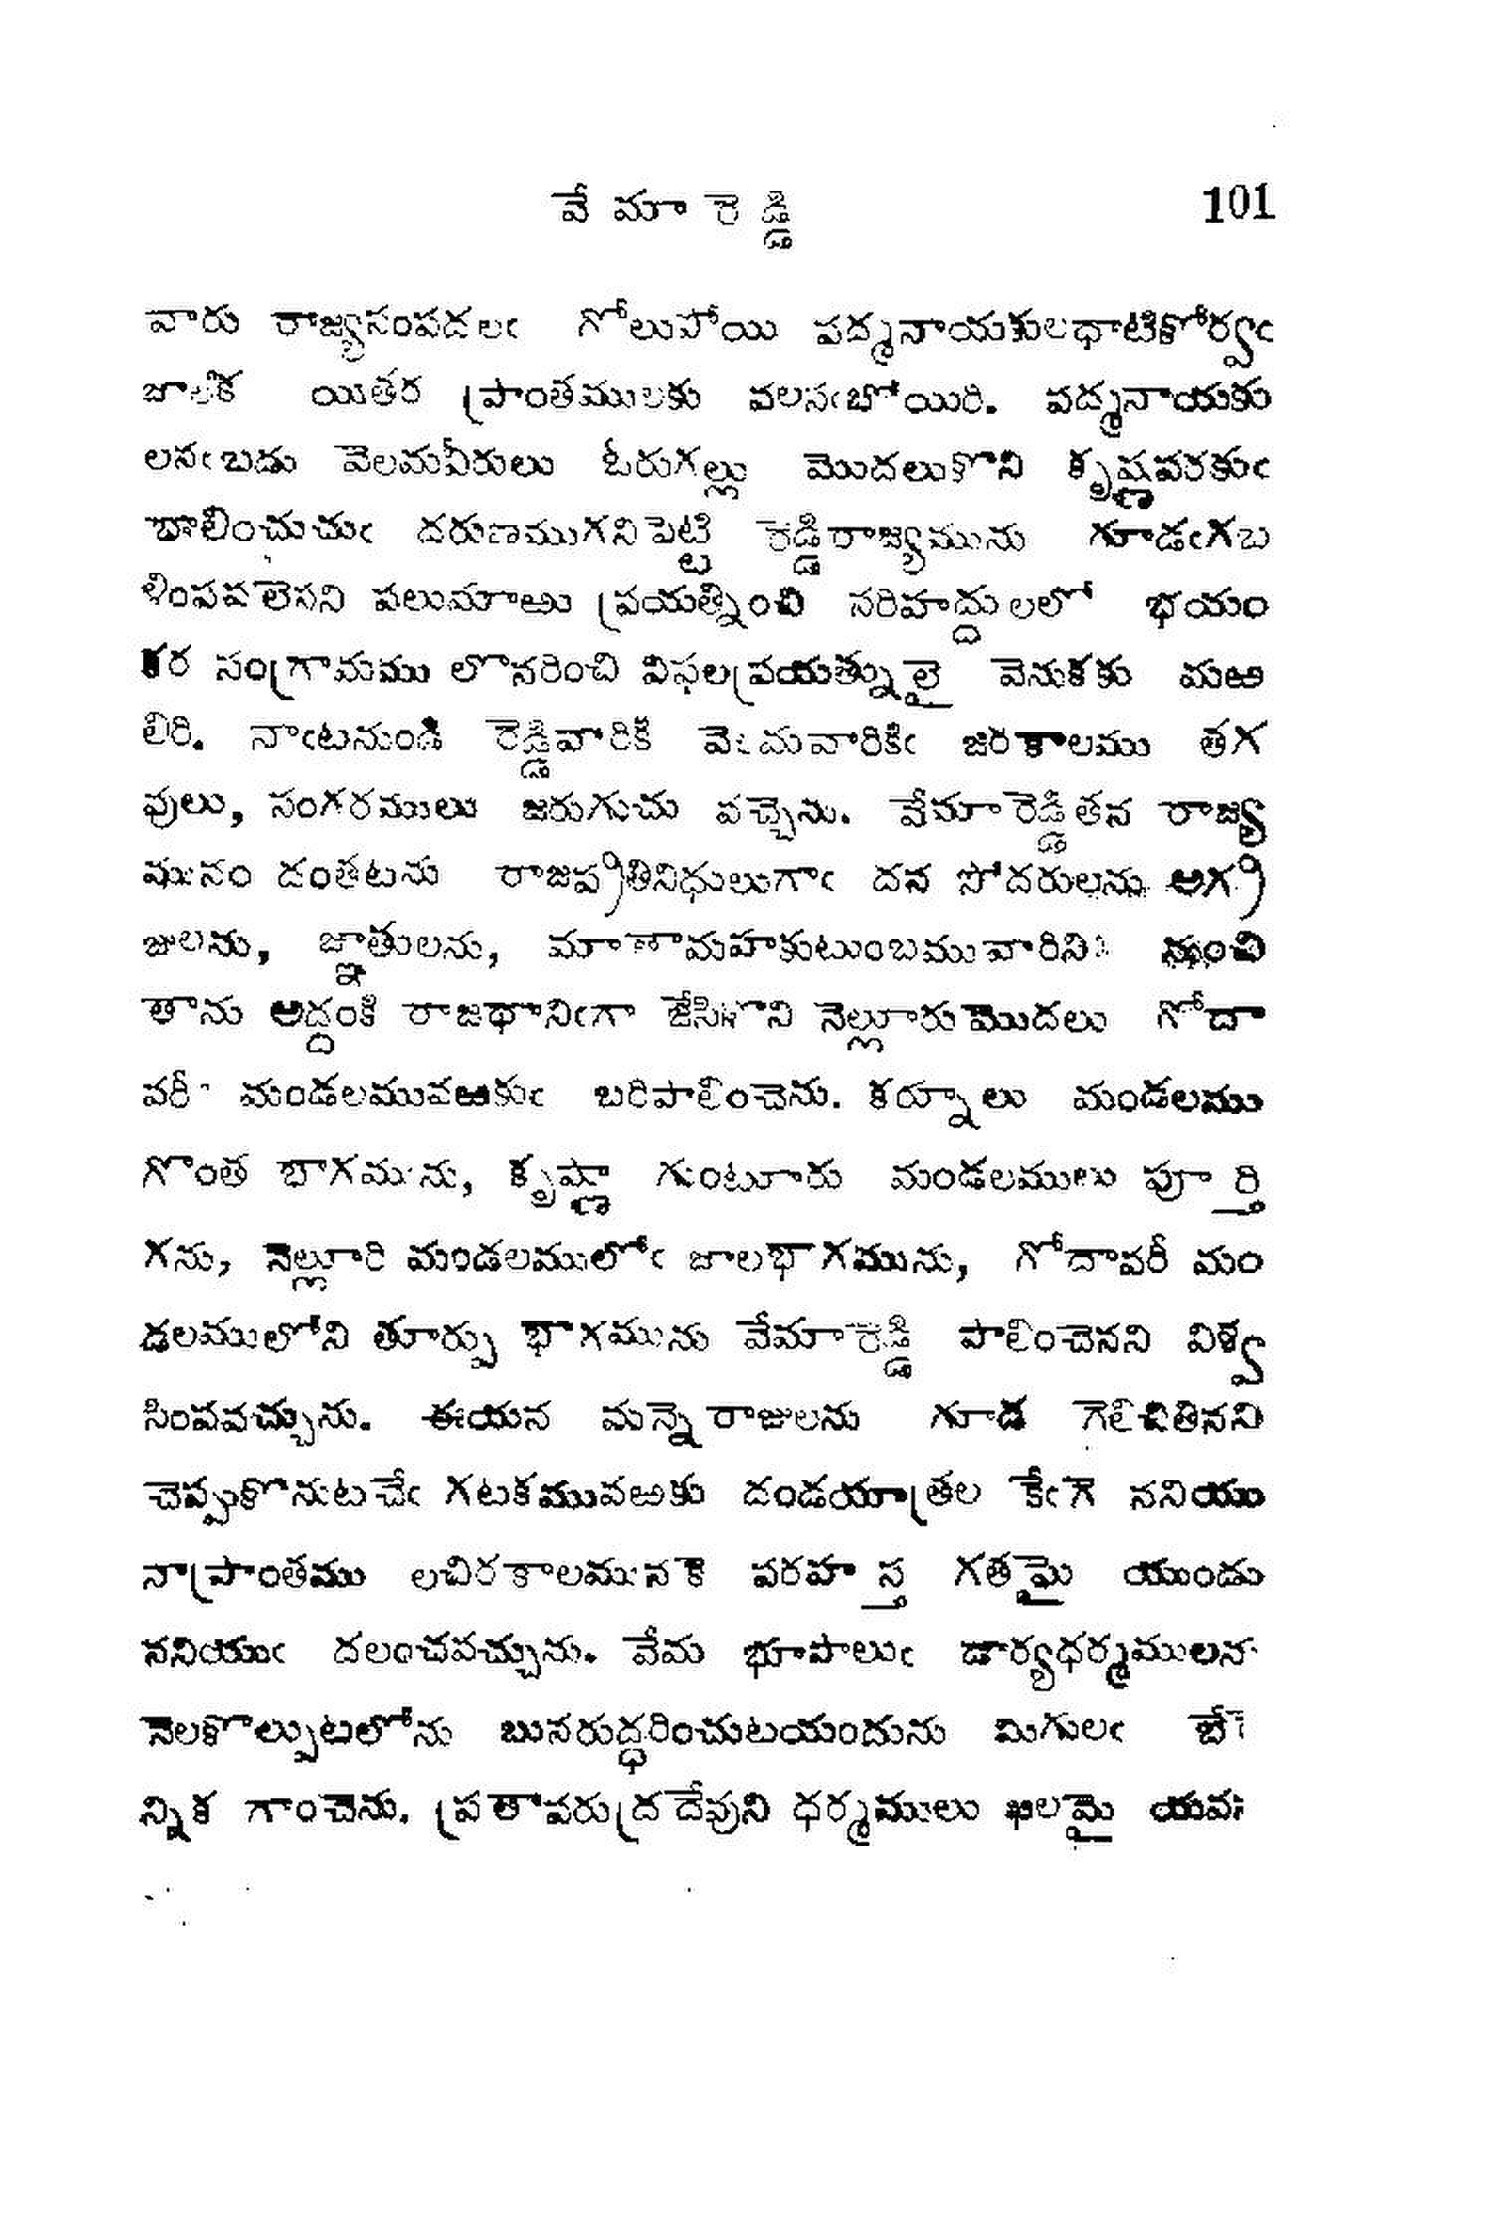వారు రాజ్యసంపదల గోలుపోయి పద్మనాయకులధాటికోర్వజాలక యితర ప్రాంతములకు వలసబోయిరి. పద్మనాయకులన బడు వెలమవీరులు ఓరుగల్లు మొదలుకొని కృష్ణవరకు బాలించుచు దరుణముగనిపెట్టి రెడ్డిరాజ్యమును గూడగబళింపవలెనని పలుమాఱు ప్రయత్నించి సరిహద్దులలో భయంకర సంగ్రామము లొనరించి విఫలప్రయత్నులై వెనుకకు మఱలిరి. నాటనుండి రెడ్డివారికి వెలమవారికి జిరకాలము తగవులు, సంగరములు జరుగుచు వచ్చెను. వేమారెడ్డి తన రాజ్యమునం దంతటను రాజప్రతినిధులుగా దన సోదరులను అగ్రజులను, జ్ఞాతులను, మాతామహ కుటుంబమువారిని నుంచి తాను అద్దంకి రాజథానిగా జేసికొని నెల్లూరుమొదలు గోదావరీ మండలమువఱకు బరిపాలించెను. కర్నూలు మండలము గొంత బాగమును, కృష్ణా గుంటూరు మండలములు పూర్తిగను, నెల్లూరి మండలములో జాలభాగమును, గోదావరీ మండలములోని తూర్పు భాగమును వేమారెడ్డి పాలించెనని విశ్వసింపవచ్చును. ఈయన మన్నెరాజులను గూడ గెలిచితినని చెప్పుకొనుటచే గటకమువఱకు దండయాత్రల కేగె ననియు నాప్రాంతము లచిరకాలమునకె పరహస్త గతమై యుండుననియు దలంచవచ్చును. వేమ భూపాలు డార్యధర్మములను నెలకొల్పుటలోను బునరుద్దరించుటయందును మిగుల బేరెన్నిక గాంచెను. ప్రతాపరుద్రదేవుని ధర్మములు ఖిలమై యవన